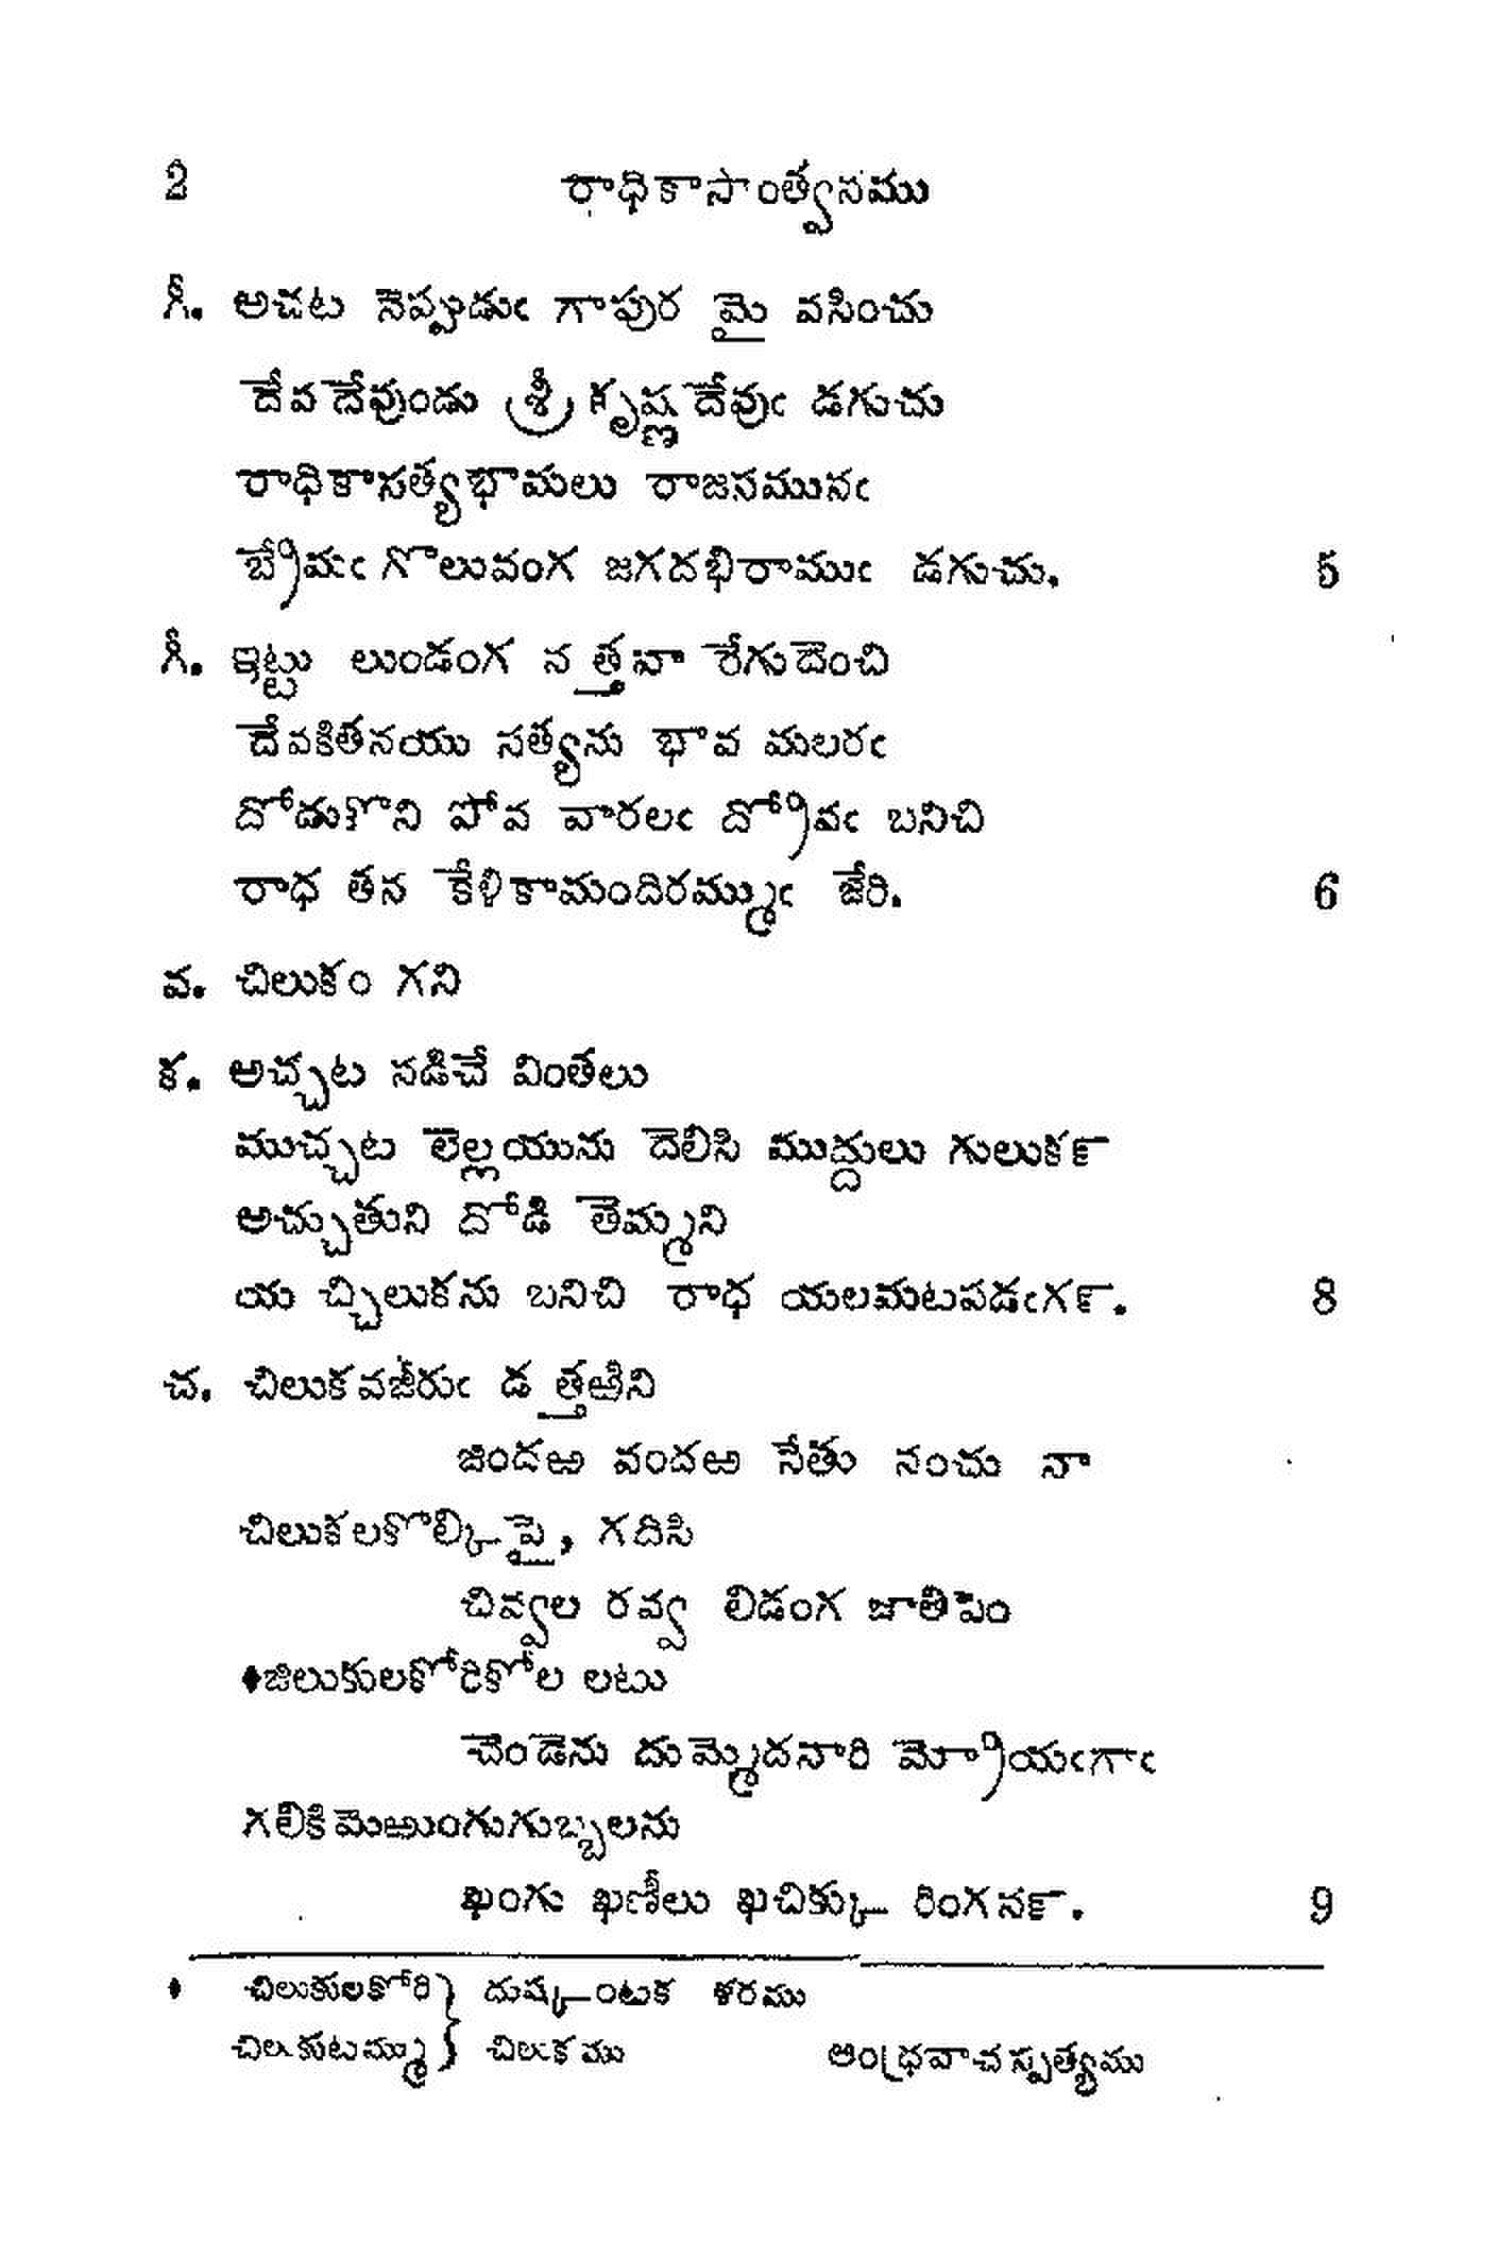గీ. అచట నెప్పుడుఁ గాపుర మై వసించు
దేవదేవుండు శ్రీకృష్ణదేవుఁ డగుచు
రాధికాసత్యభామలు రాజసమునఁ
బ్రేమఁ గొలువంగ జగదభిరాముఁ డగుచు. 5

గీ. ఇట్టు లుండంగ నత్తవా రేగుదెంచి
దేవకితనయు సత్యను భావ మలరఁ
దోడుకొని పోవ వారలఁ ద్రోవఁ బనిచి
రాధ తన కేళికామందిరమ్ముఁ జేరి. 6

వ. చిలుకం గని. 7

క. అచ్చట నడిచే వింతలు
ముచ్చట లెల్లయును దెలిసి ముద్దులు గులుకన్
అచ్చుతుని దోడి తెమ్మని
యచ్చిలుకను బనిచి రాధ యలమటపడఁగన్. 8

చ. చిలుకవజీరుఁ డత్తఱిని జిందఱ వందఱ సేతు నంచు నా
చిలుకలకొల్కిపై, గదిసి చివ్వల రవ్వ లిడంగ జాతిపెం
జిలుకలకోరికోల లటు చెండెను దుమ్మెదనారి మ్రోయఁగాఁ
గలికి మెఱుంగుగుబ్బలను ఖంగు ఖణీలు ఖచిక్కు రింగనన్. 9